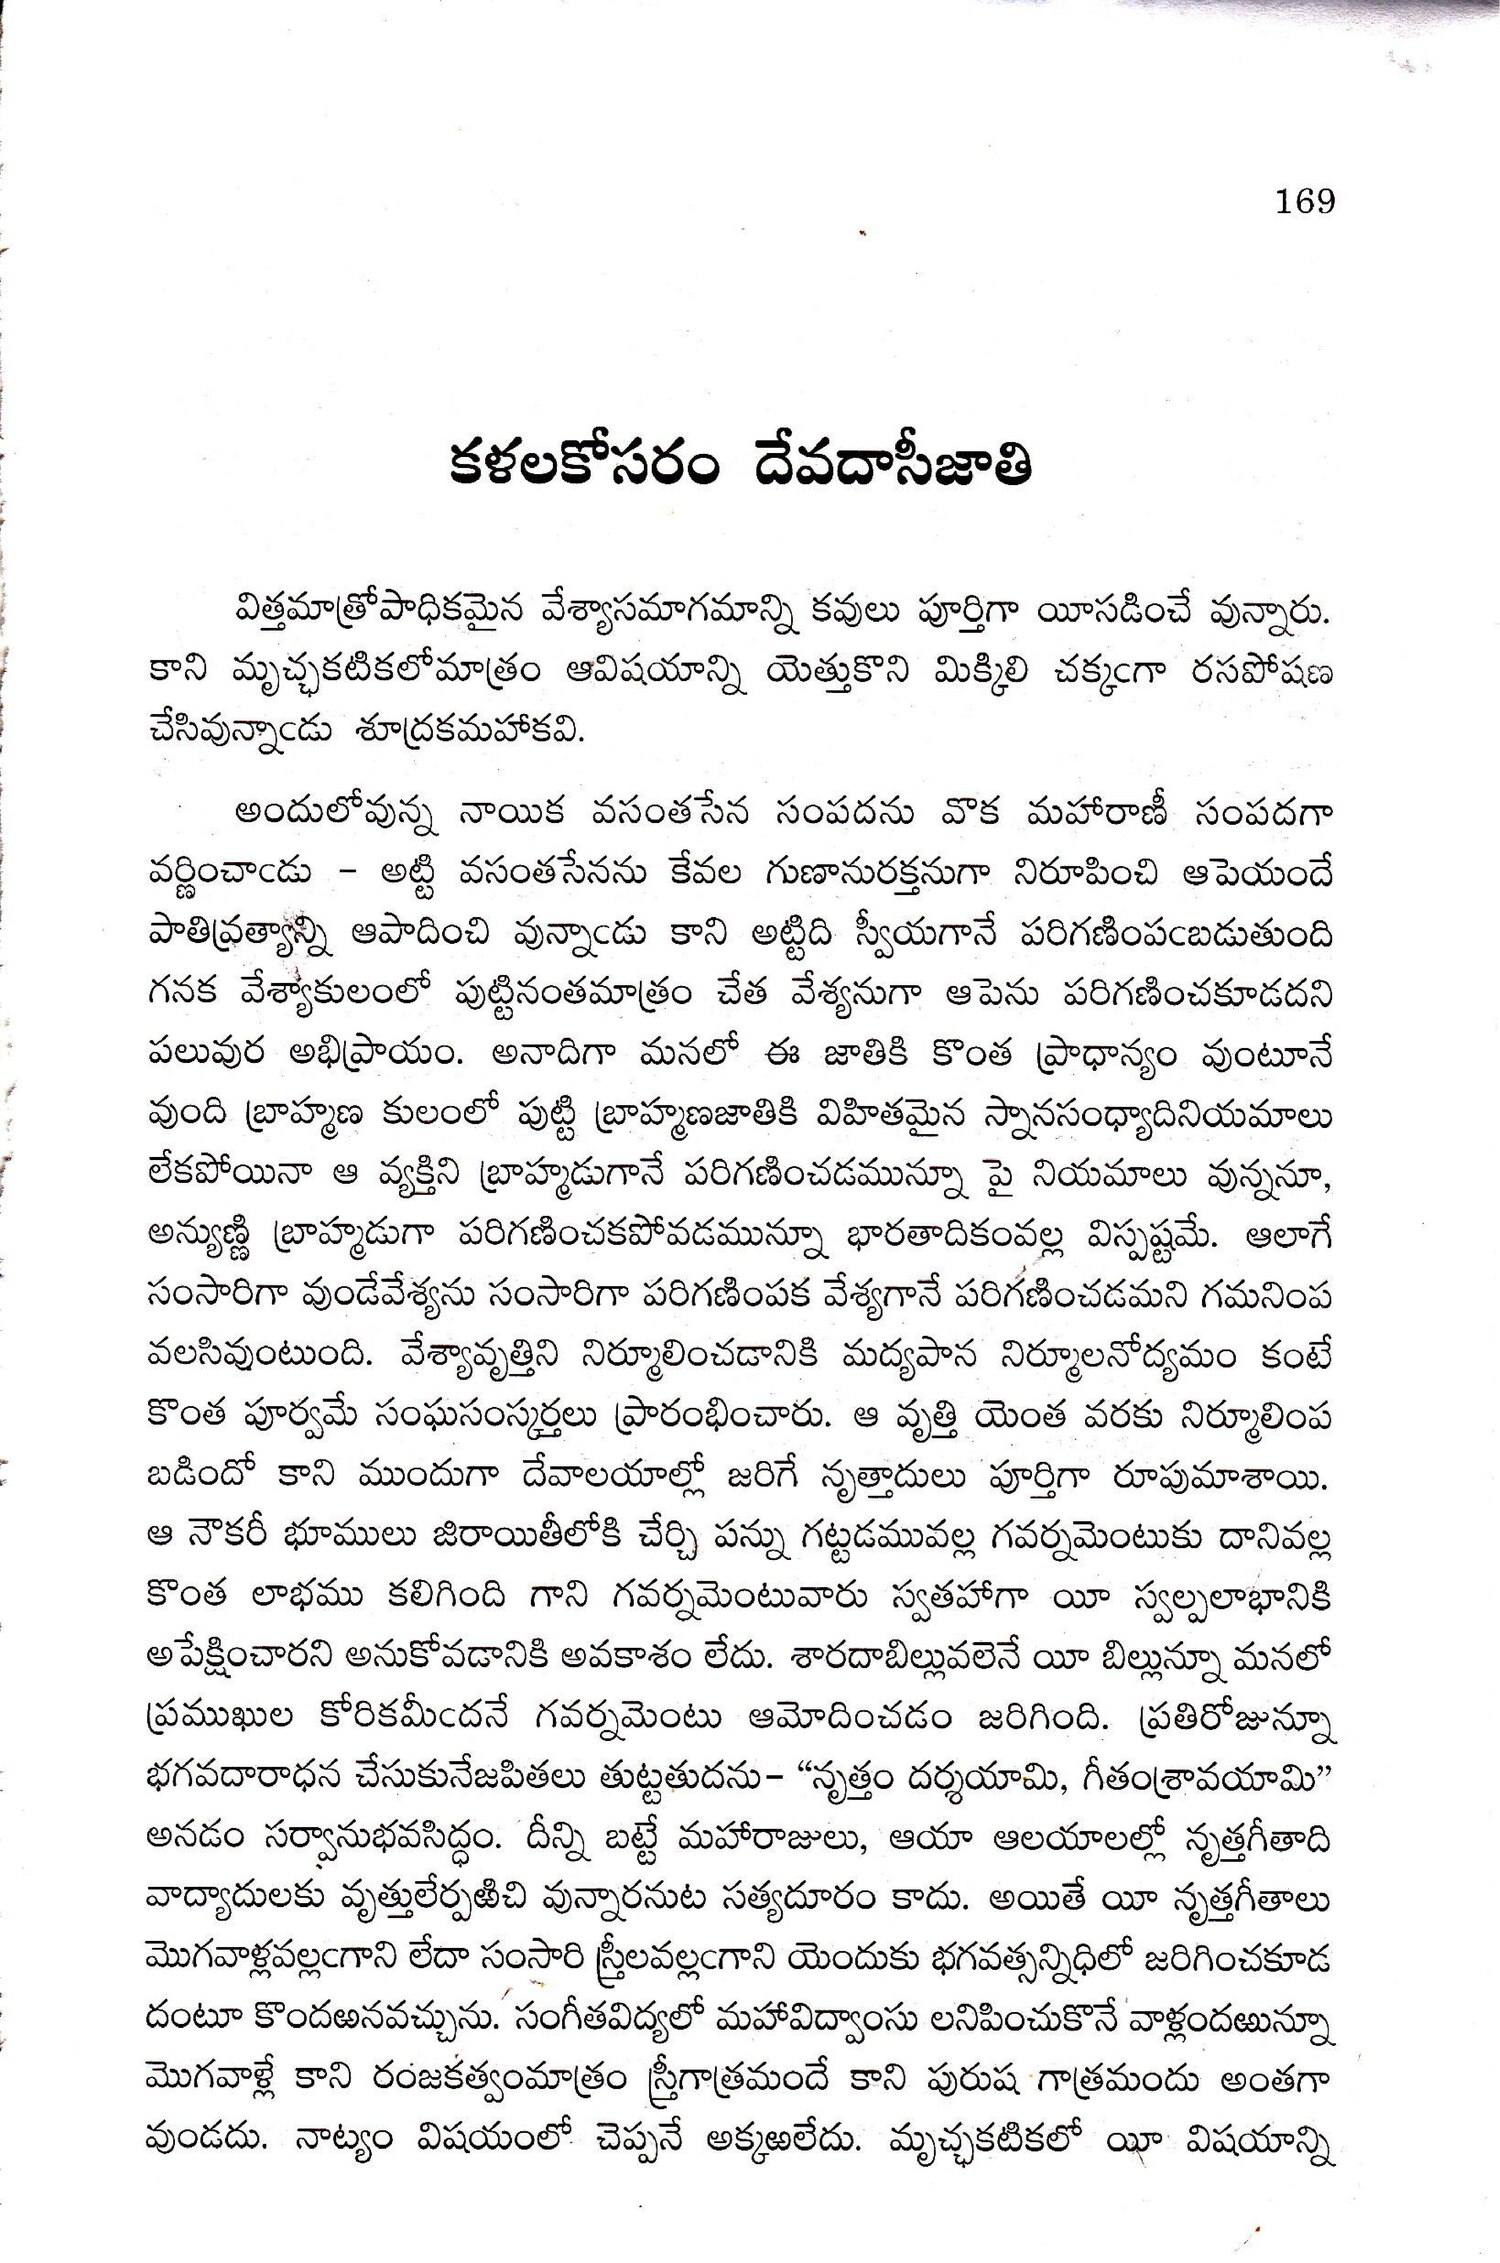కళలకోసరం దేవదాసీజాతి

విత్తమాత్రోపాధికమైన వేశ్యాసమాగమాన్ని కవులు పూర్తిగా యీసడించే వున్నారు. కాని మృచ్ఛకటికలో మాత్రం ఆవిషయాన్ని యెత్తుకొని మిక్కిలి చక్కఁగా రసపోషణ చేసివున్నాఁడు శూద్రకమహాకవి.

అందులోవున్న నాయిక వసంతసేన సంపదను వొక మహారాణీ సంపదగా వర్ణించాఁడు - అట్టి వసంతసేనను కేవల గుణానురక్తనుగా నిరూపించి ఆపెయందే పాతివ్రత్యాన్ని ఆపాదించి వున్నాఁడు కాని అట్టిది స్వీయగానే పరిగణింపఁబడుతుంది గనక వేశ్యాకులంలో పుట్టినంతమాత్రం చేత వేశ్యనుగా ఆపెను పరిగణించకూడదని పలువుర అభిప్రాయం. అనాదిగా మనలో ఈ జాతికి కొంత ప్రాధాన్యం వుంటూనే వుంది బ్రాహ్మణ కులంలో పుట్టి బ్రాహ్మణజాతికి విహితమైన స్నానసంధ్యాదినియమాలు లేకపోయినా ఆ వ్యక్తిని బ్రాహ్మడుగానే పరిగణించడమున్నూ పై నియమాలు వున్ననూ, అన్యుణ్ణి బ్రాహ్మడుగా పరిగణించకపోవడమున్నూ భారతాదికంవల్ల విస్పష్టమే. ఆలాగే సంసారిగా వుండేవేశ్యను సంసారిగా పరిగణింపక వేశ్యగానే పరిగణించడమని గమనింప వలసివుంటుంది. వేశ్యావృత్తిని నిర్మూలించడానికి మద్యపాన నిర్మూలనోద్యమం కంటే కొంత పూర్వమే సంఘసంస్కర్తలు ప్రారంభించారు. ఆ వృత్తి యెంత వరకు నిర్మూలింప బడిందో కాని ముందుగా దేవాలయాల్లో జరిగే నృత్తాదులు పూర్తిగా రూపుమాశాయి. ఆ నౌకరీ భూములు జిరాయితీలోకి చేర్చి పన్ను గట్టడమువల్ల గవర్నమెంటుకు దానివల్ల కొంత లాభము కలిగింది గాని గవర్నమెంటువారు స్వతహాగా యీ స్వల్పలాభానికి అపేక్షించారని అనుకోవడానికి అవకాశం లేదు. శారదాబిల్లువలెనే యీ బిల్లున్నూమనలో ప్రముఖుల కోరికమీఁదనే గవర్నమెంటు ఆమోదించడం జరిగింది. ప్రతిరోజున్నూ భగవదారాధన చేసుకునేజపితలు తుట్టతుదను- "నృత్తం దర్శయామి, గీతం శ్రావయామి" అనడం సర్వానుభవసిద్ధం. దీన్ని బట్టే మహారాజులు, ఆయా ఆలయాలల్లో నృత్తగీతాది వాద్యాదులకు వృత్తులేర్పఱిచి వున్నారనుట సత్యదూరం కాదు. అయితే యీ నృత్తగీతాలు మొగవాళ్లవల్లఁగాని లేదా సంసారి స్త్రీలవల్లఁగాని యెందుకు భగవత్సన్నిధిలో జరిగించకూడ దంటూ కొందఱనవచ్చును. సంగీతవిద్యలో మహావిద్వాంసు లనిపించుకొనే వాళ్లందఱున్నూ మొగవాళ్లే కాని రంజకత్వంమాత్రం స్త్రీగాత్రమందే కాని పురుష గాత్రమందు అంతగా వుండదు. నాట్యం విషయంలో చెప్పనే అక్కఱలేదు. మృచ్ఛకటికలో యిూ విషయాన్ని